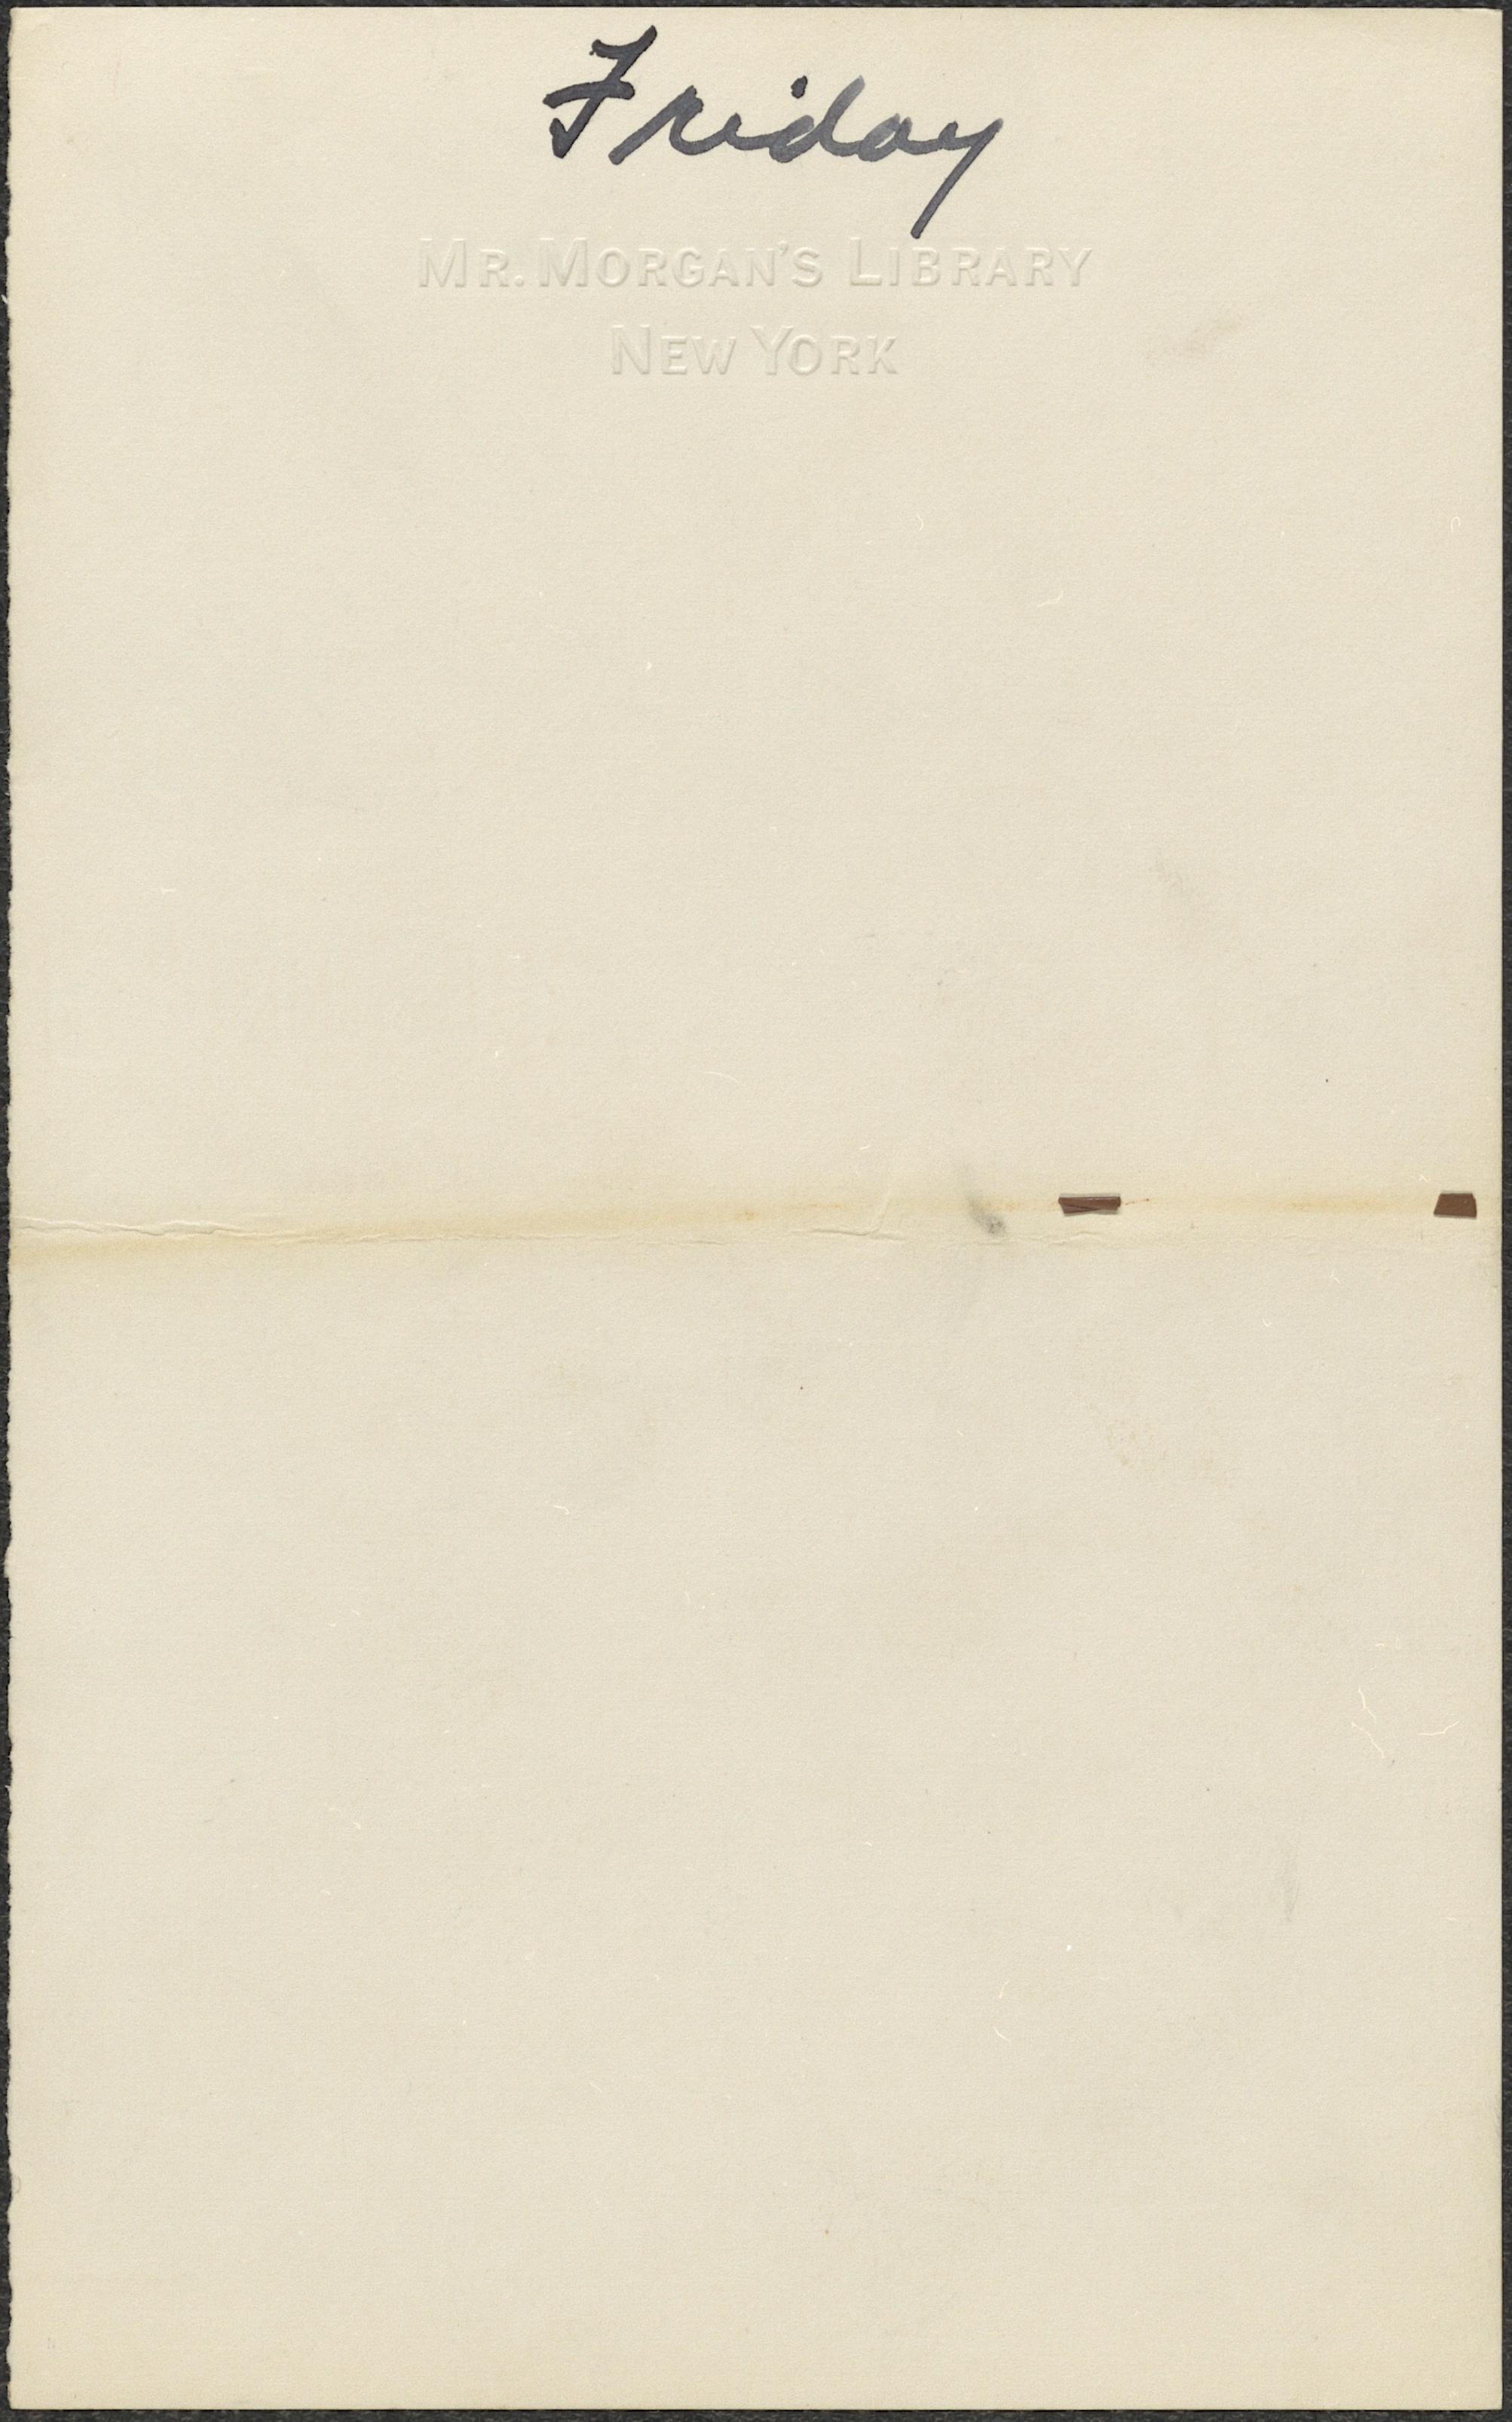Friday